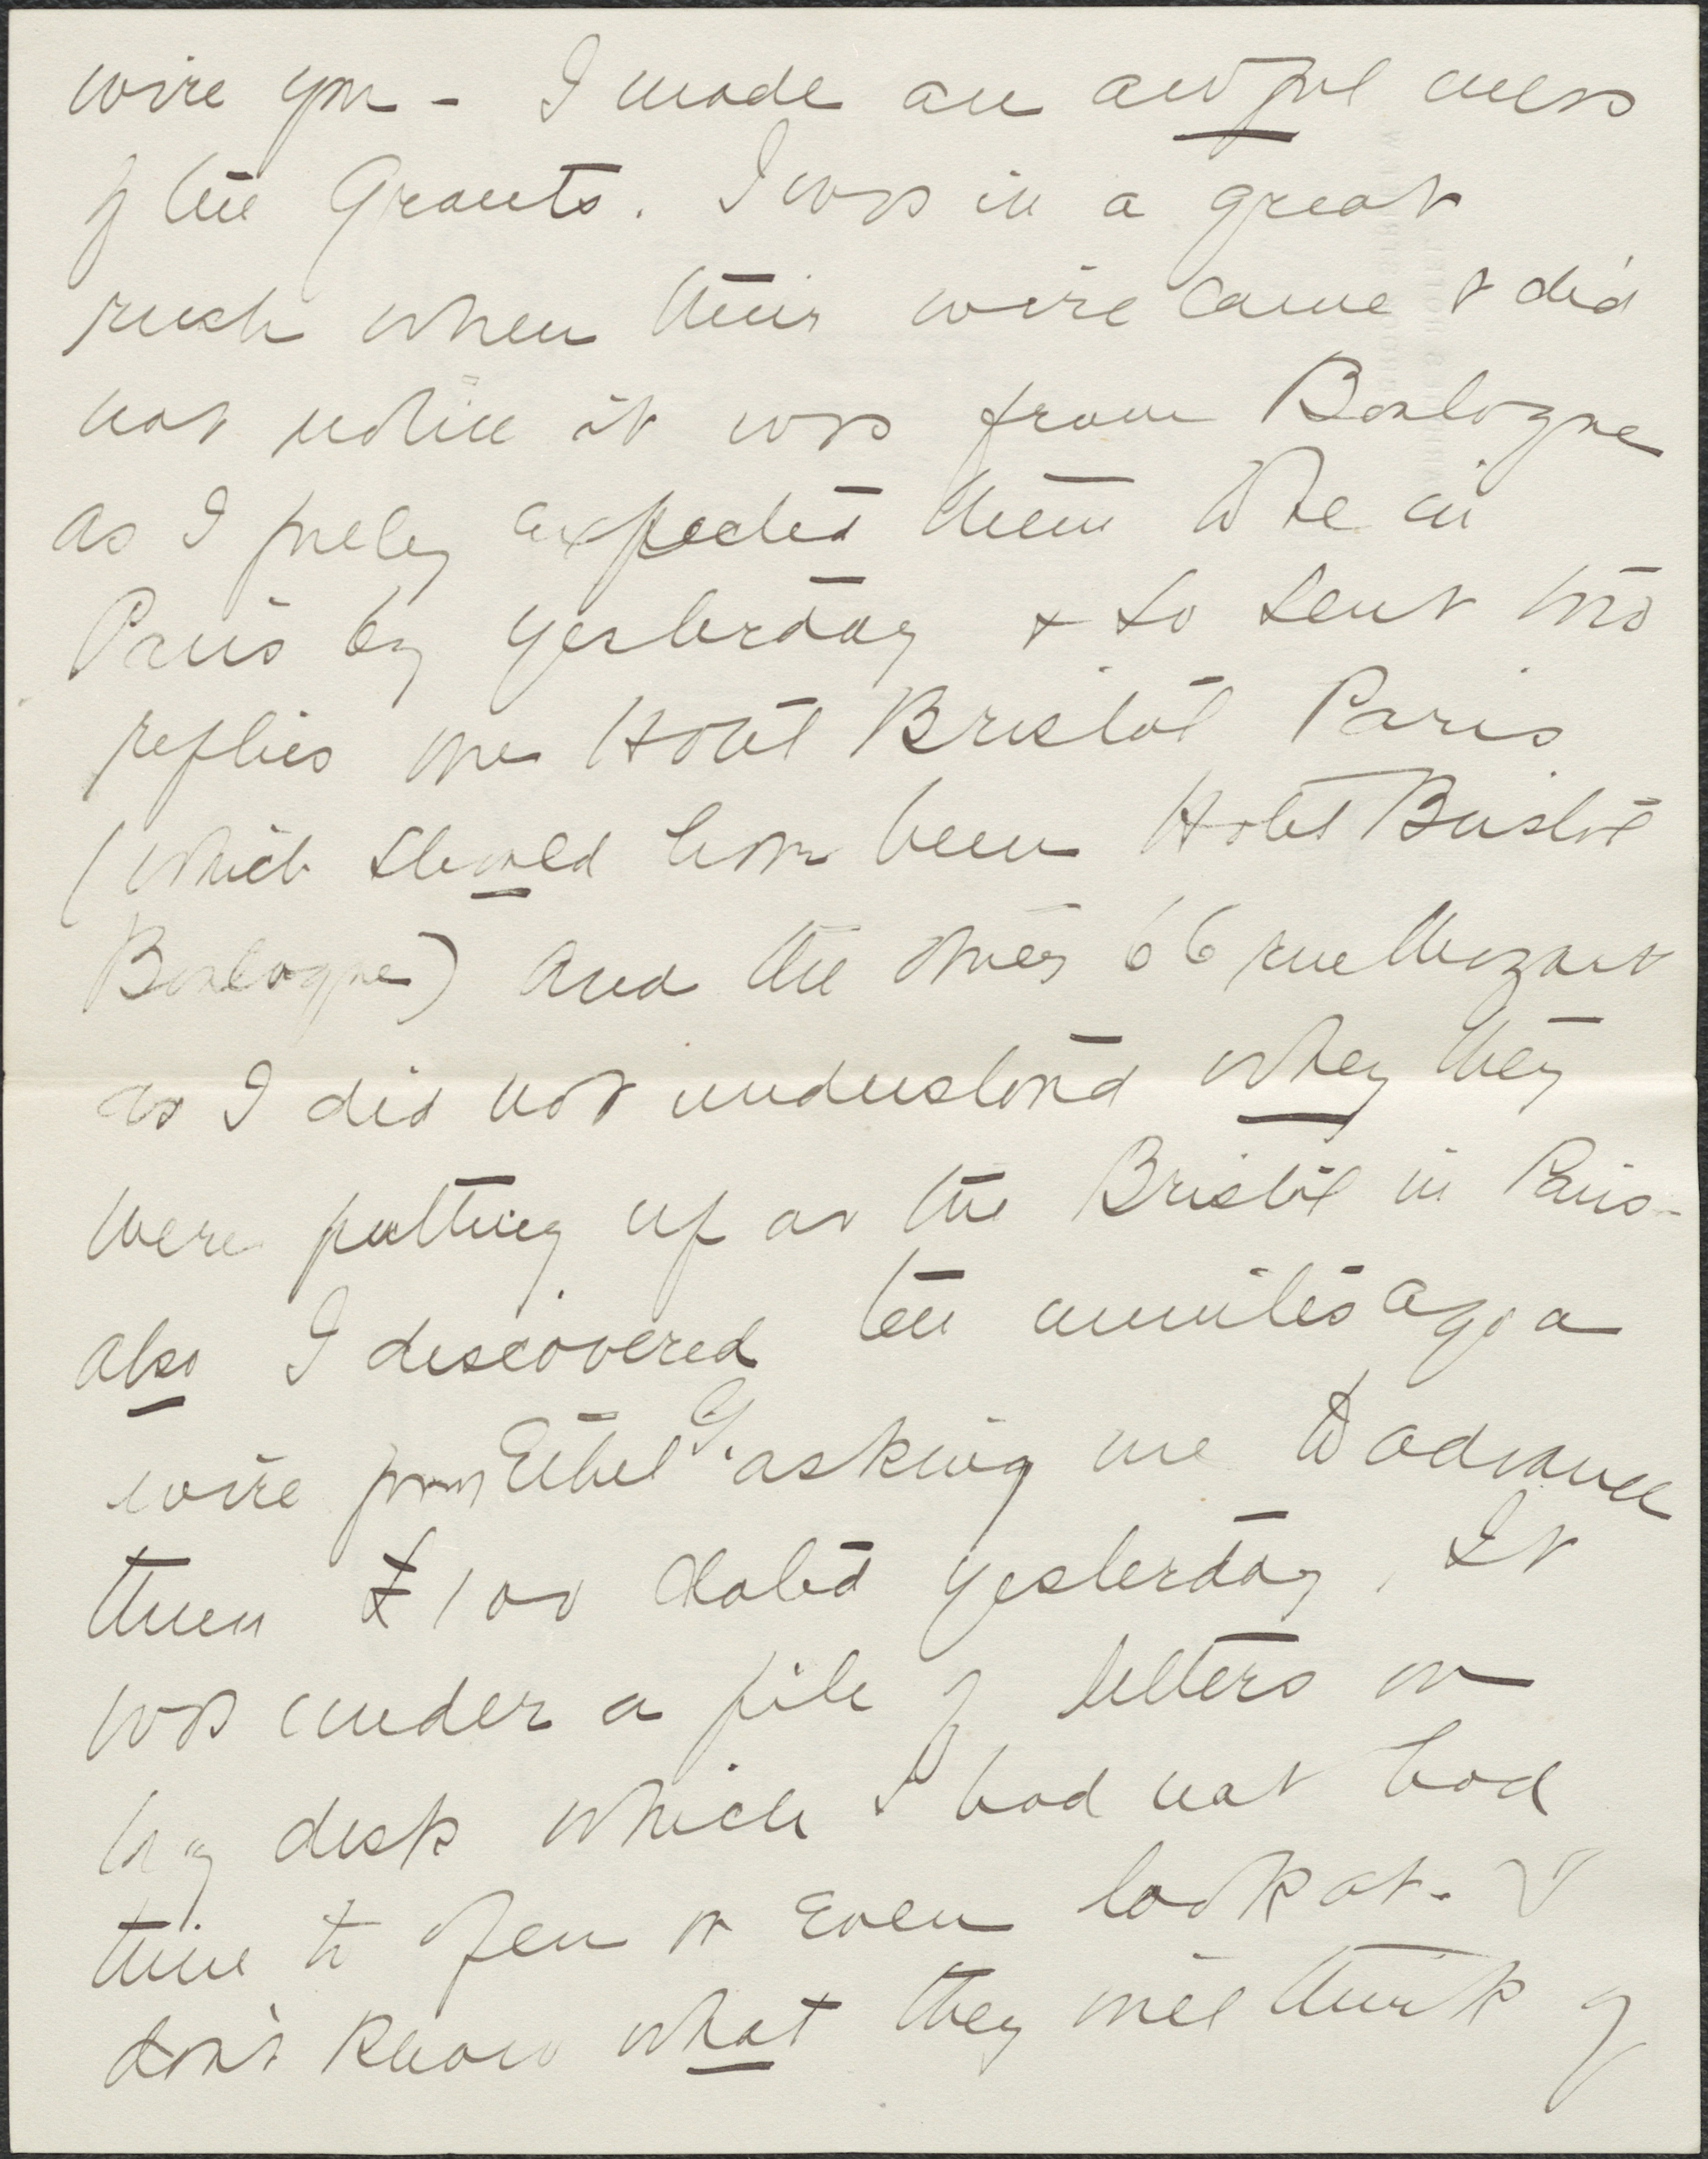wire you – I made an awful mess of the Grants. I was in a great rush when their wire came & did not notice it was from Boulogne as I fully expected them to be in Paris by yesterday & so sent two replies one Hotel Bristol Paris (which should have been Hotel Bristol Boulogne) and the other 66 rue Mozart as I did not understand why they were putting up at the Bristol in Paris also I discovered ten minutes ago a wire from Ethel [^G.^] asking me to advance them £100 dated yesterday. It was under a pile of letters on my desk which I had not had time to open or even look at. I don’t know what they will think of